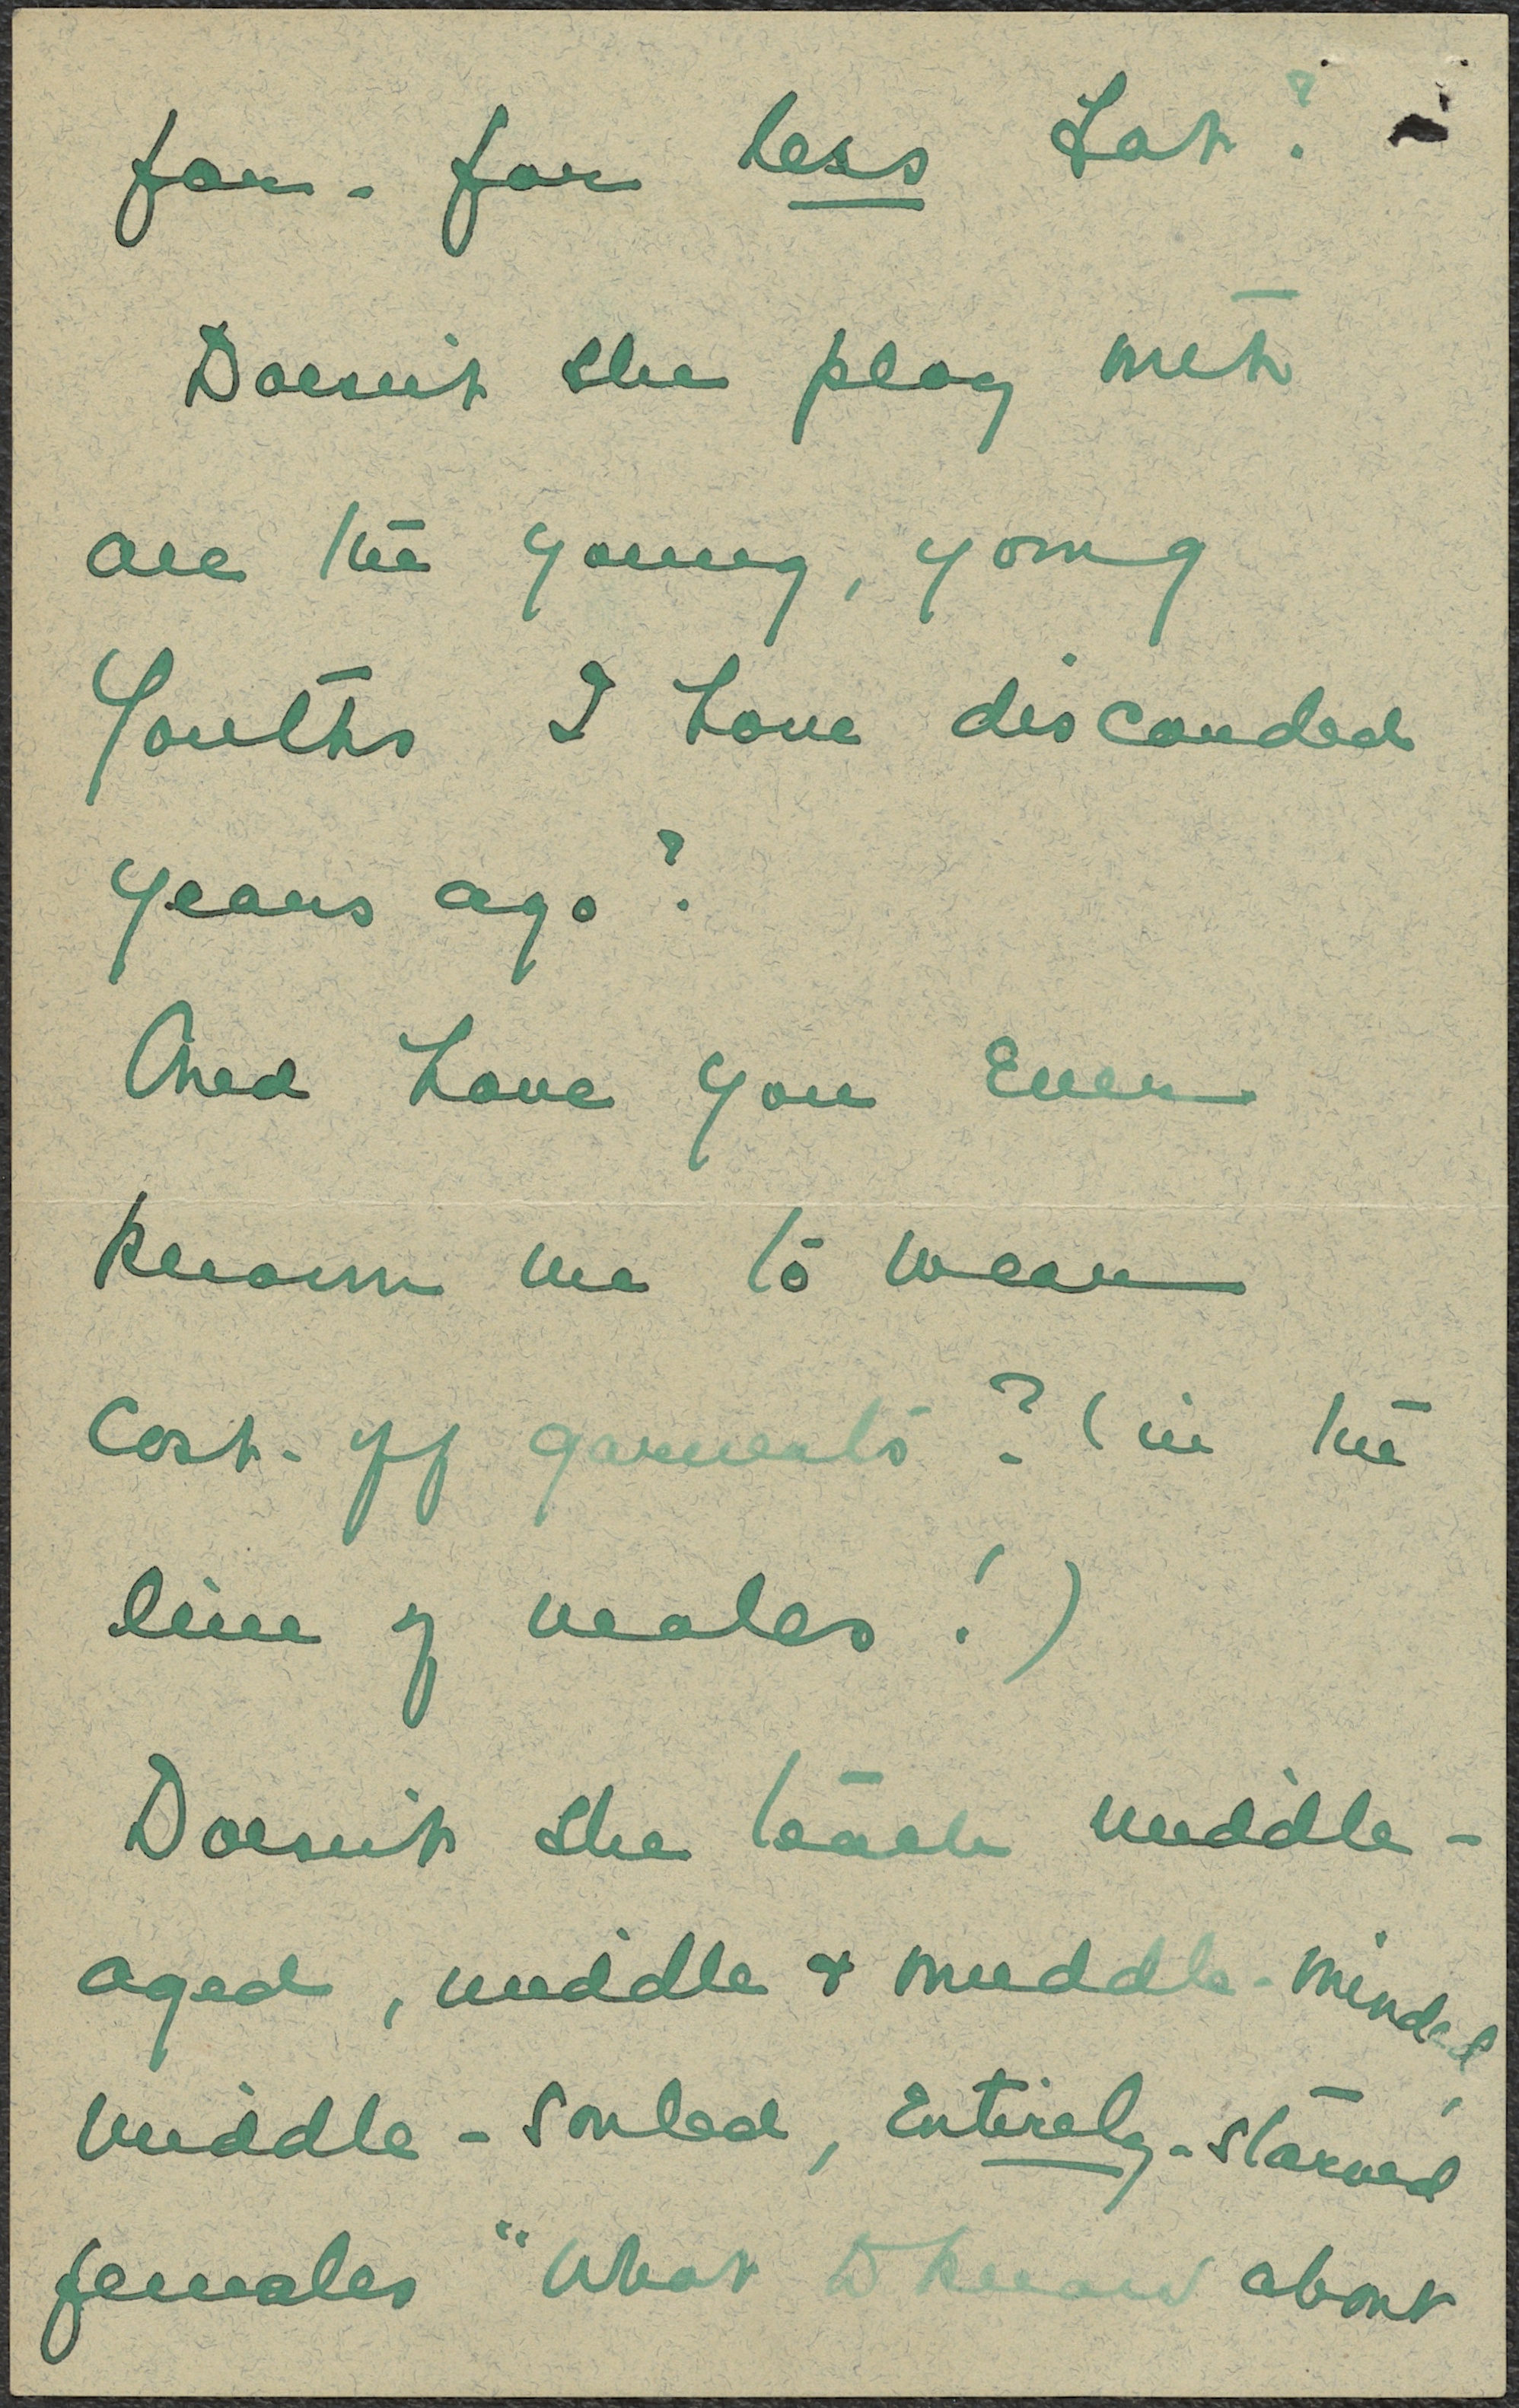far – far less fat?
Doesn’t she play with all the young, young youths I have discarded years ago?
And have you ever known me to wear cast-off garments? (in the line of males!)
Doesn’t she teach middle-aged, middle & muddle-minded, middle-souled, entirely-starved females “What to know about